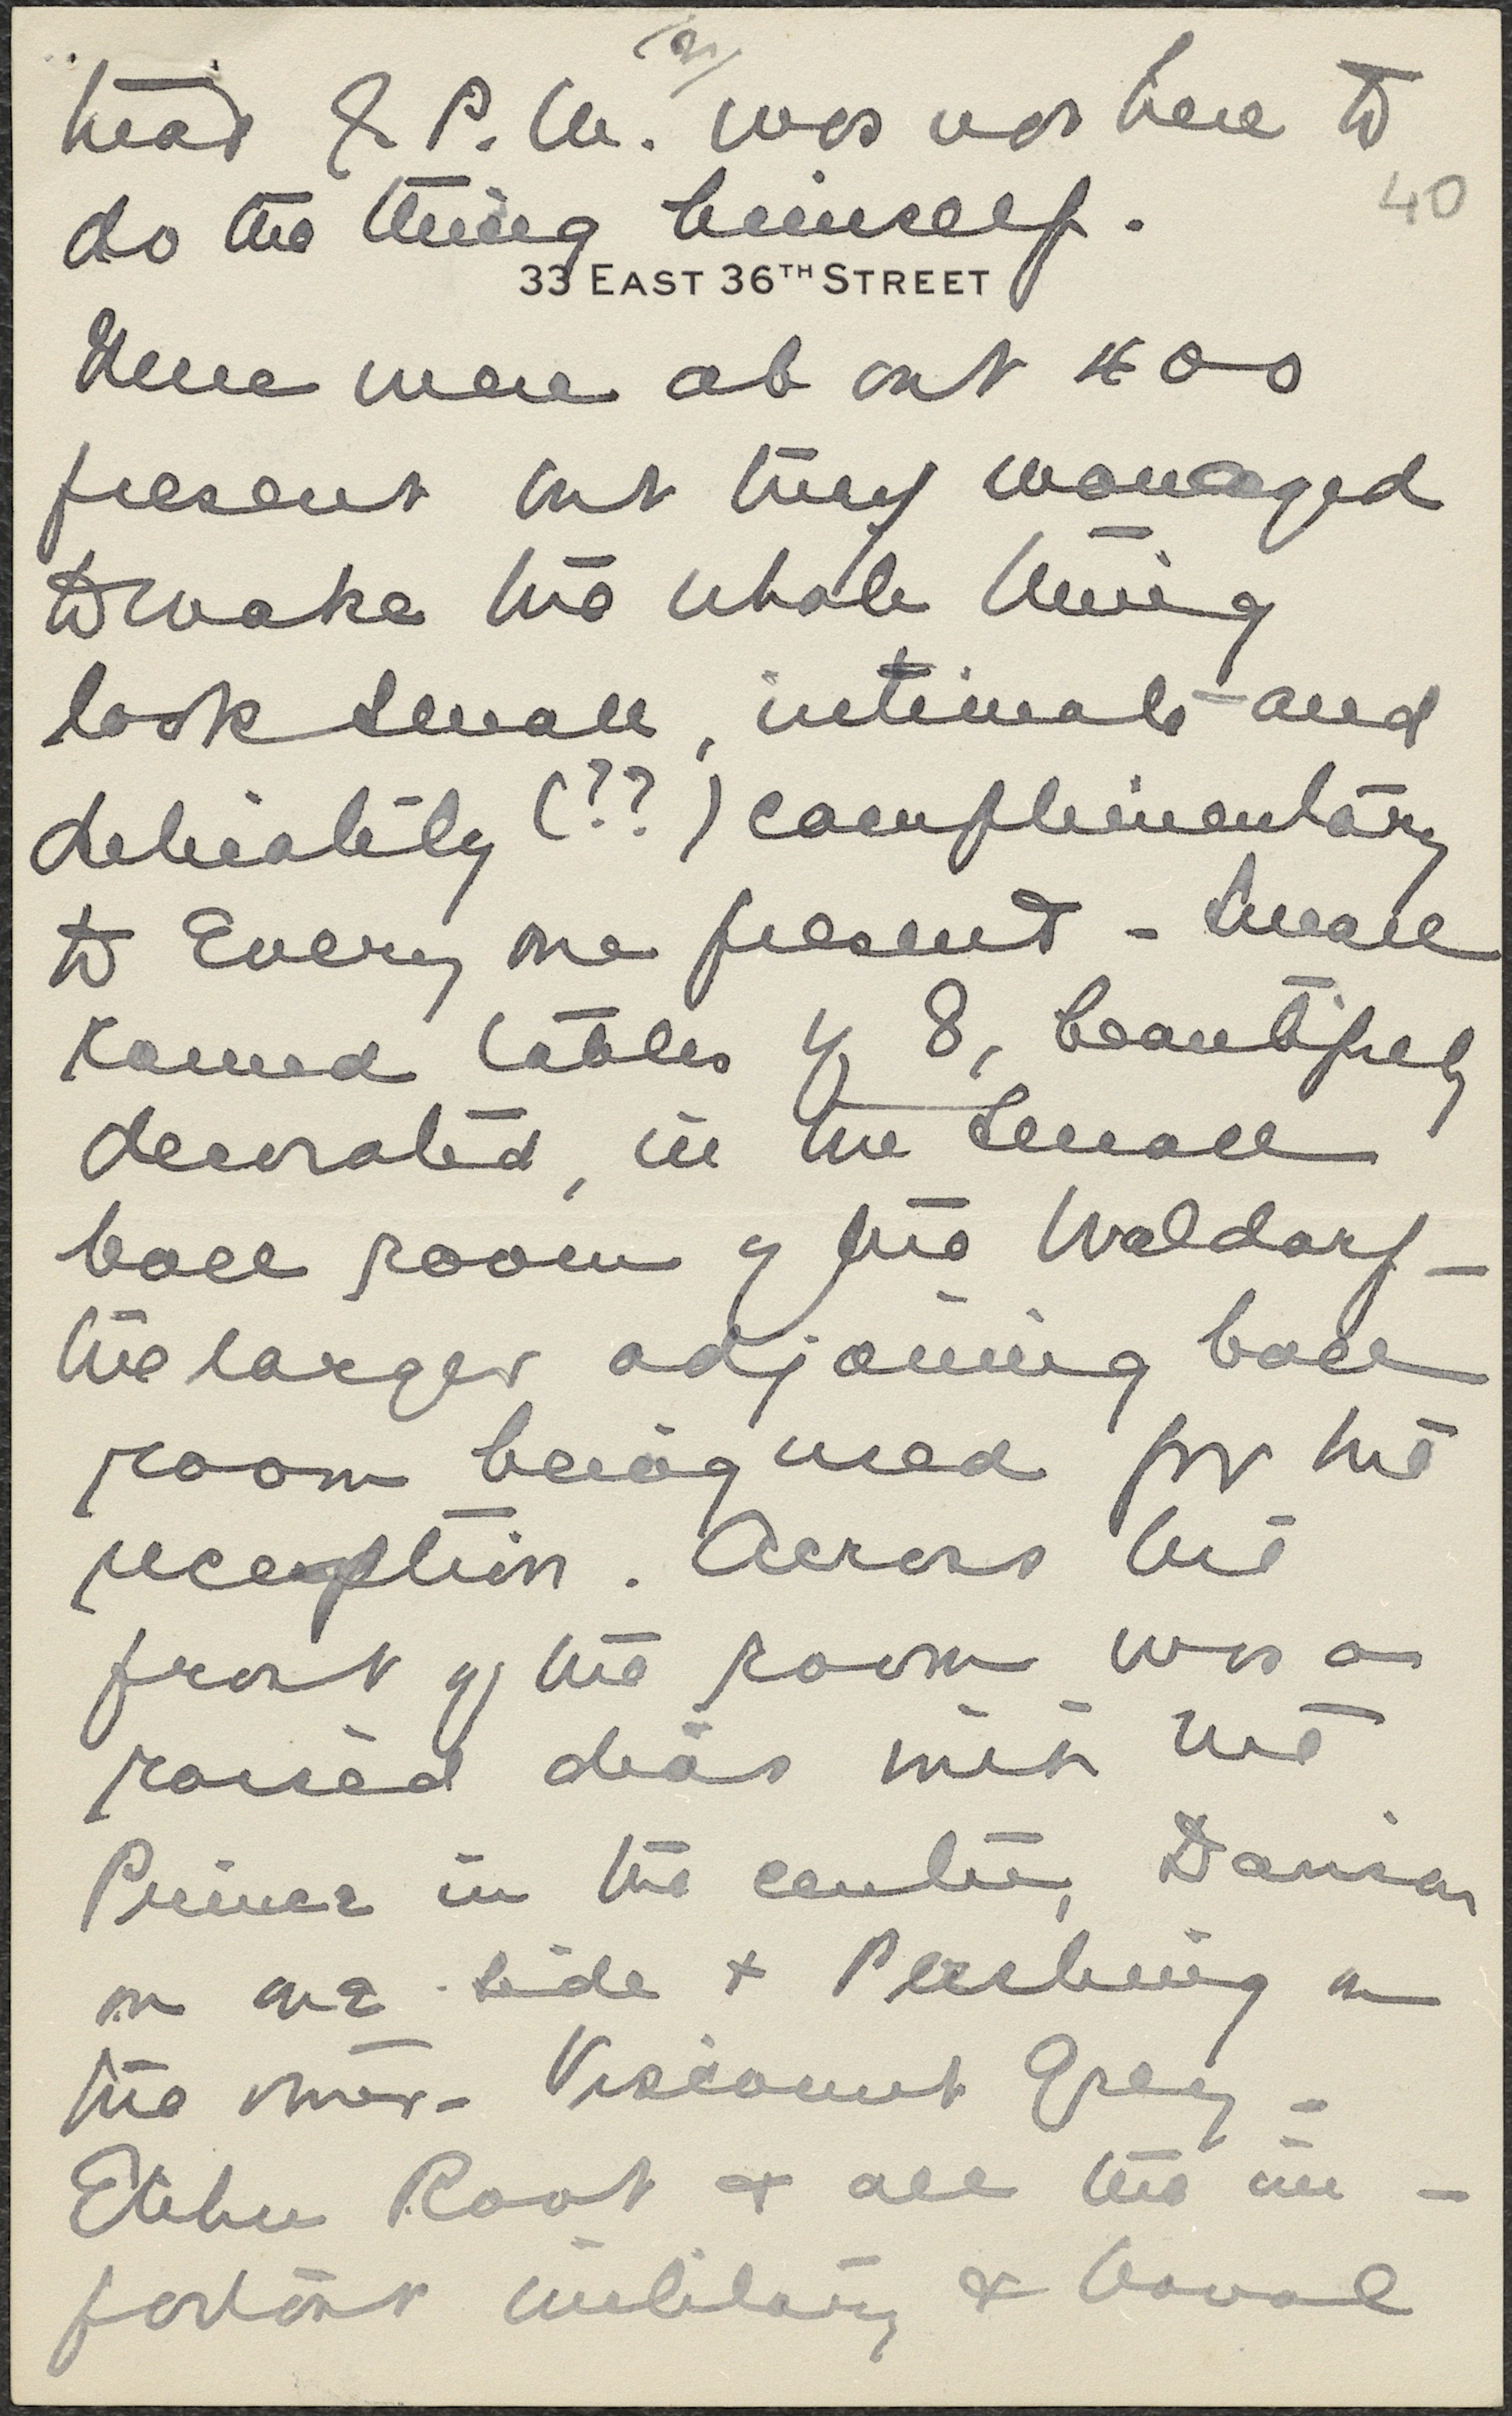that J.P.M was not here to do the thing himself.
There were about 400 present but they managed to make the whole thing look small, intimate, and delicately (??) complimentary to every one present – Small round tables of 8, beautifully decorated, in the small ball room of the Waldorf – the larger adjoining ball room being used for the reception. Across the front of the room was a raised dias with the Prince in the centre, Davison on one side & Pershing on the other – Viscount Grey – Elihu Root & all the important military & naval